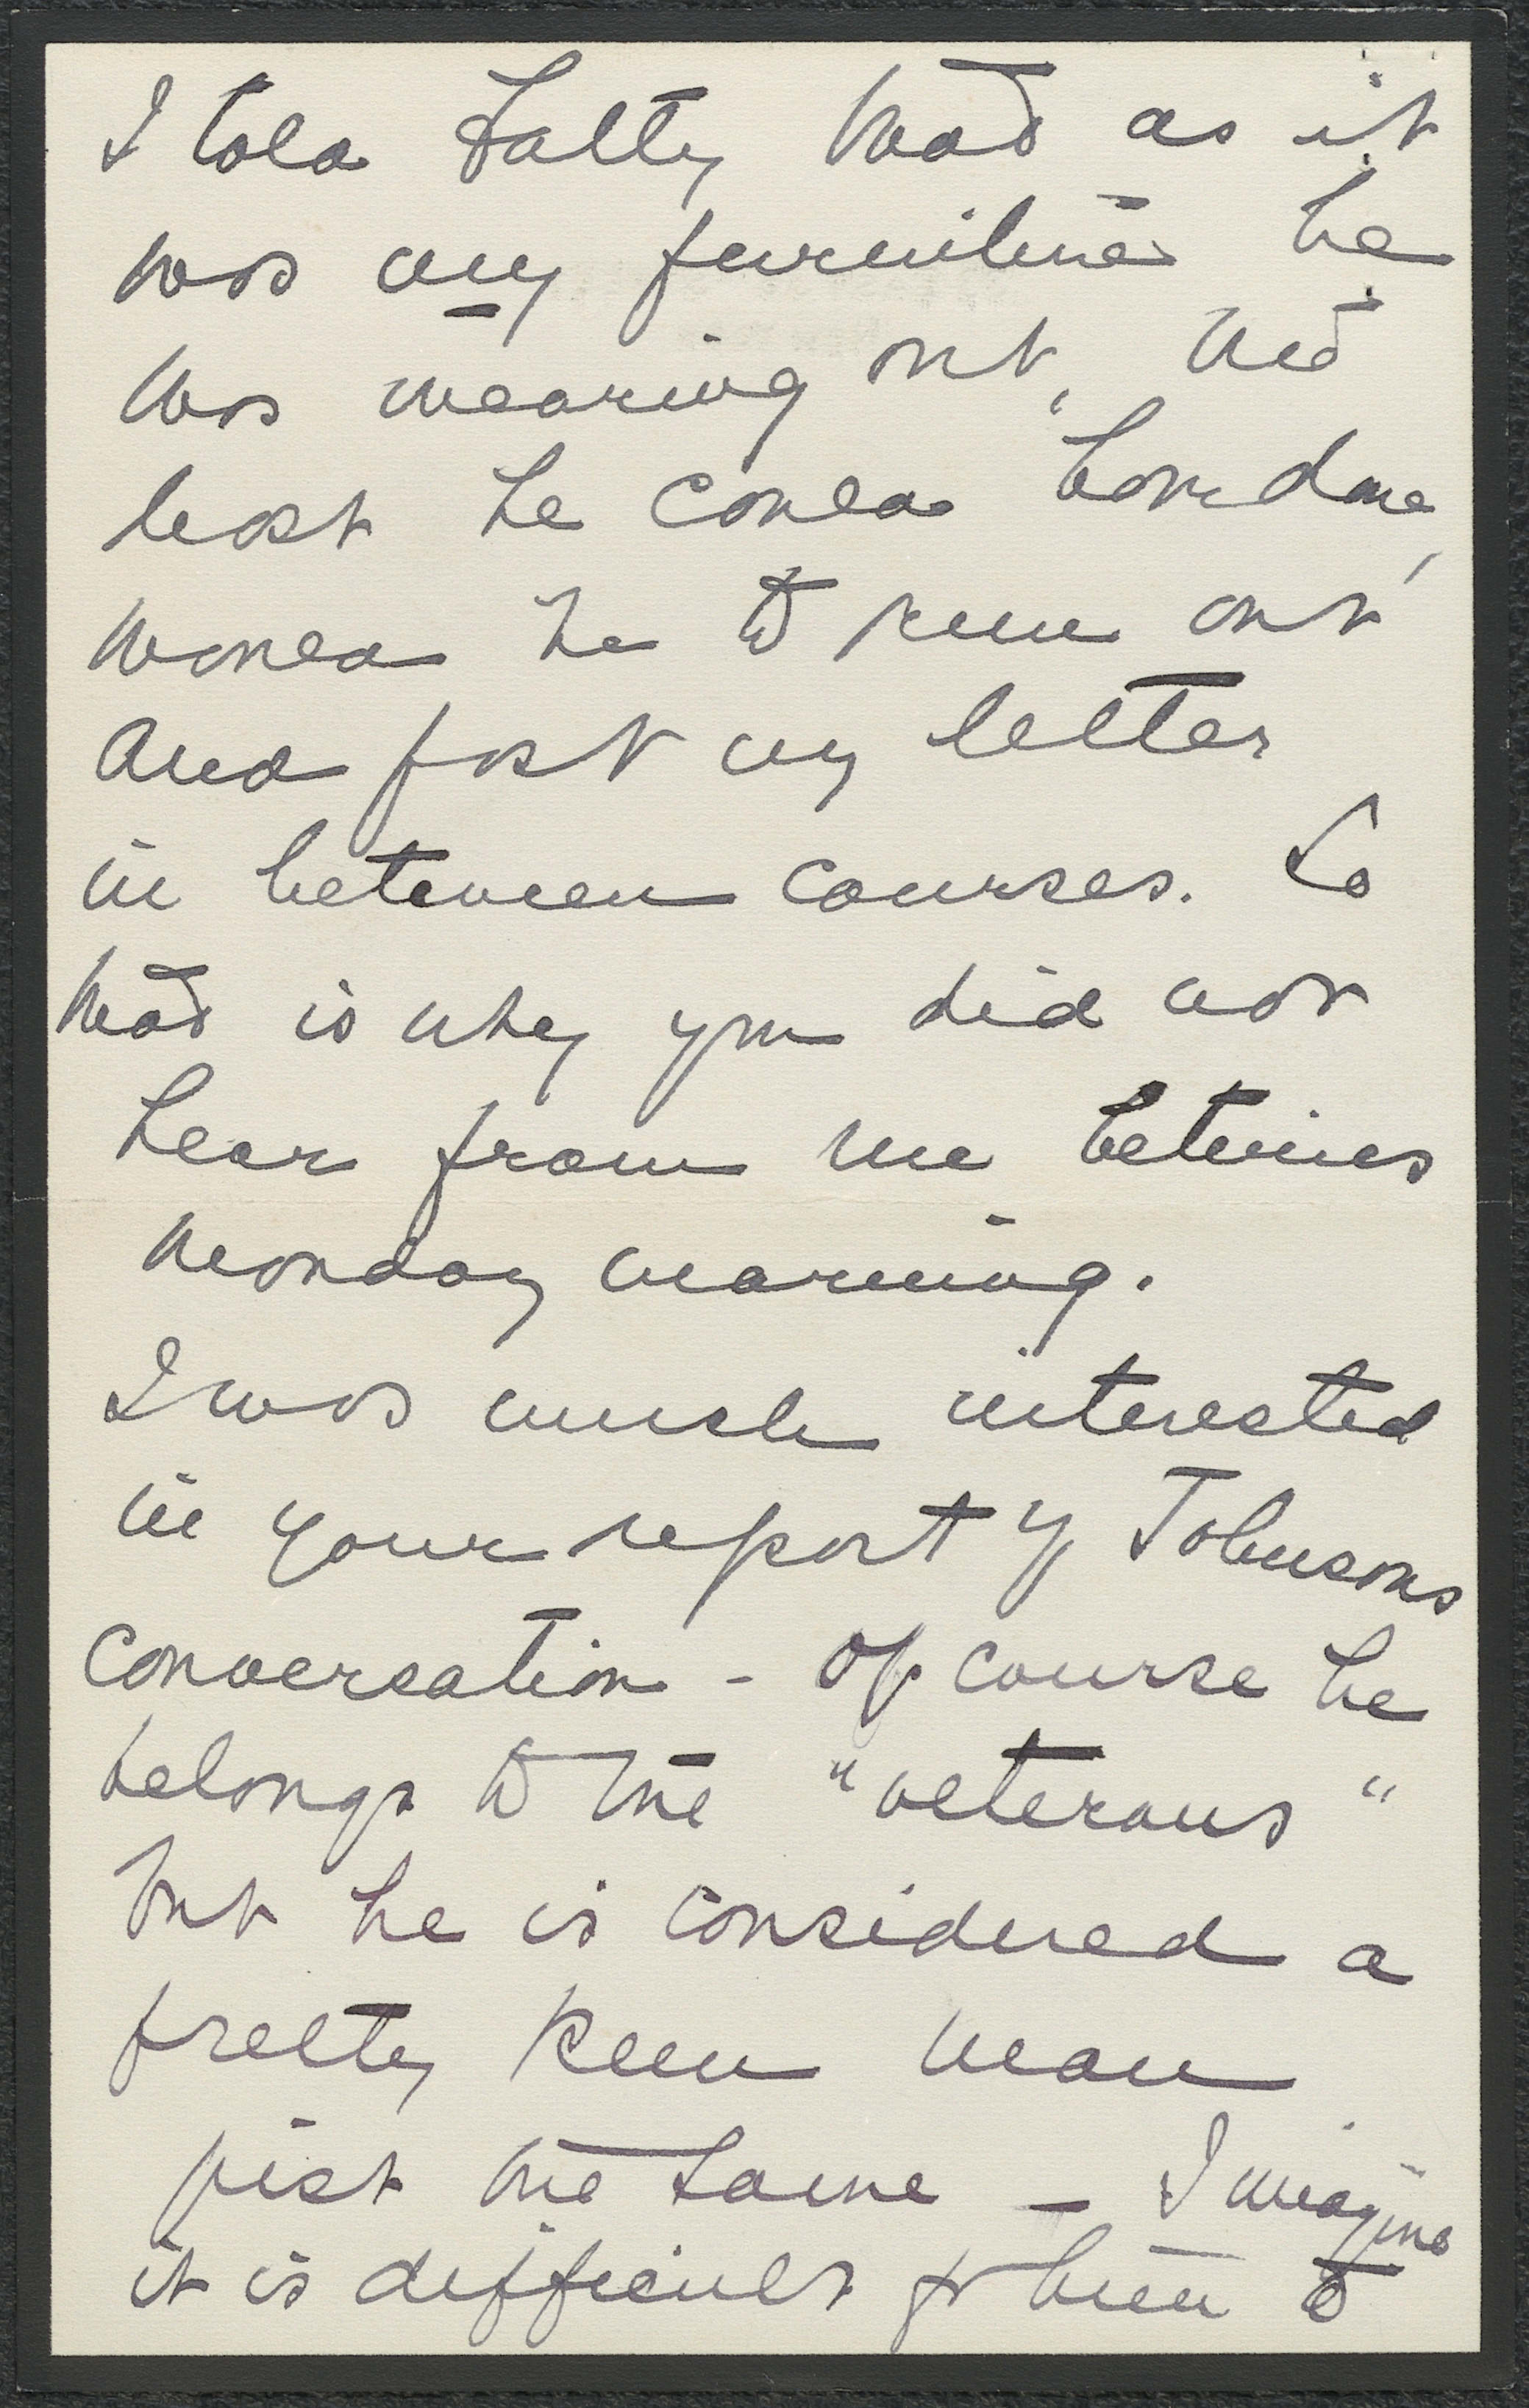I told Fatty that as it was my furniture he was wearing out the least he could have done would be to run out and post my letter in between courses. So that is why you did not hear from me betimes Monday morning.
I was much interested in your report of Johnsons conversation – of course he belongs to the “veterans” but he is considered a pretty keen man. Just the same – I imagine it is difficult for him to